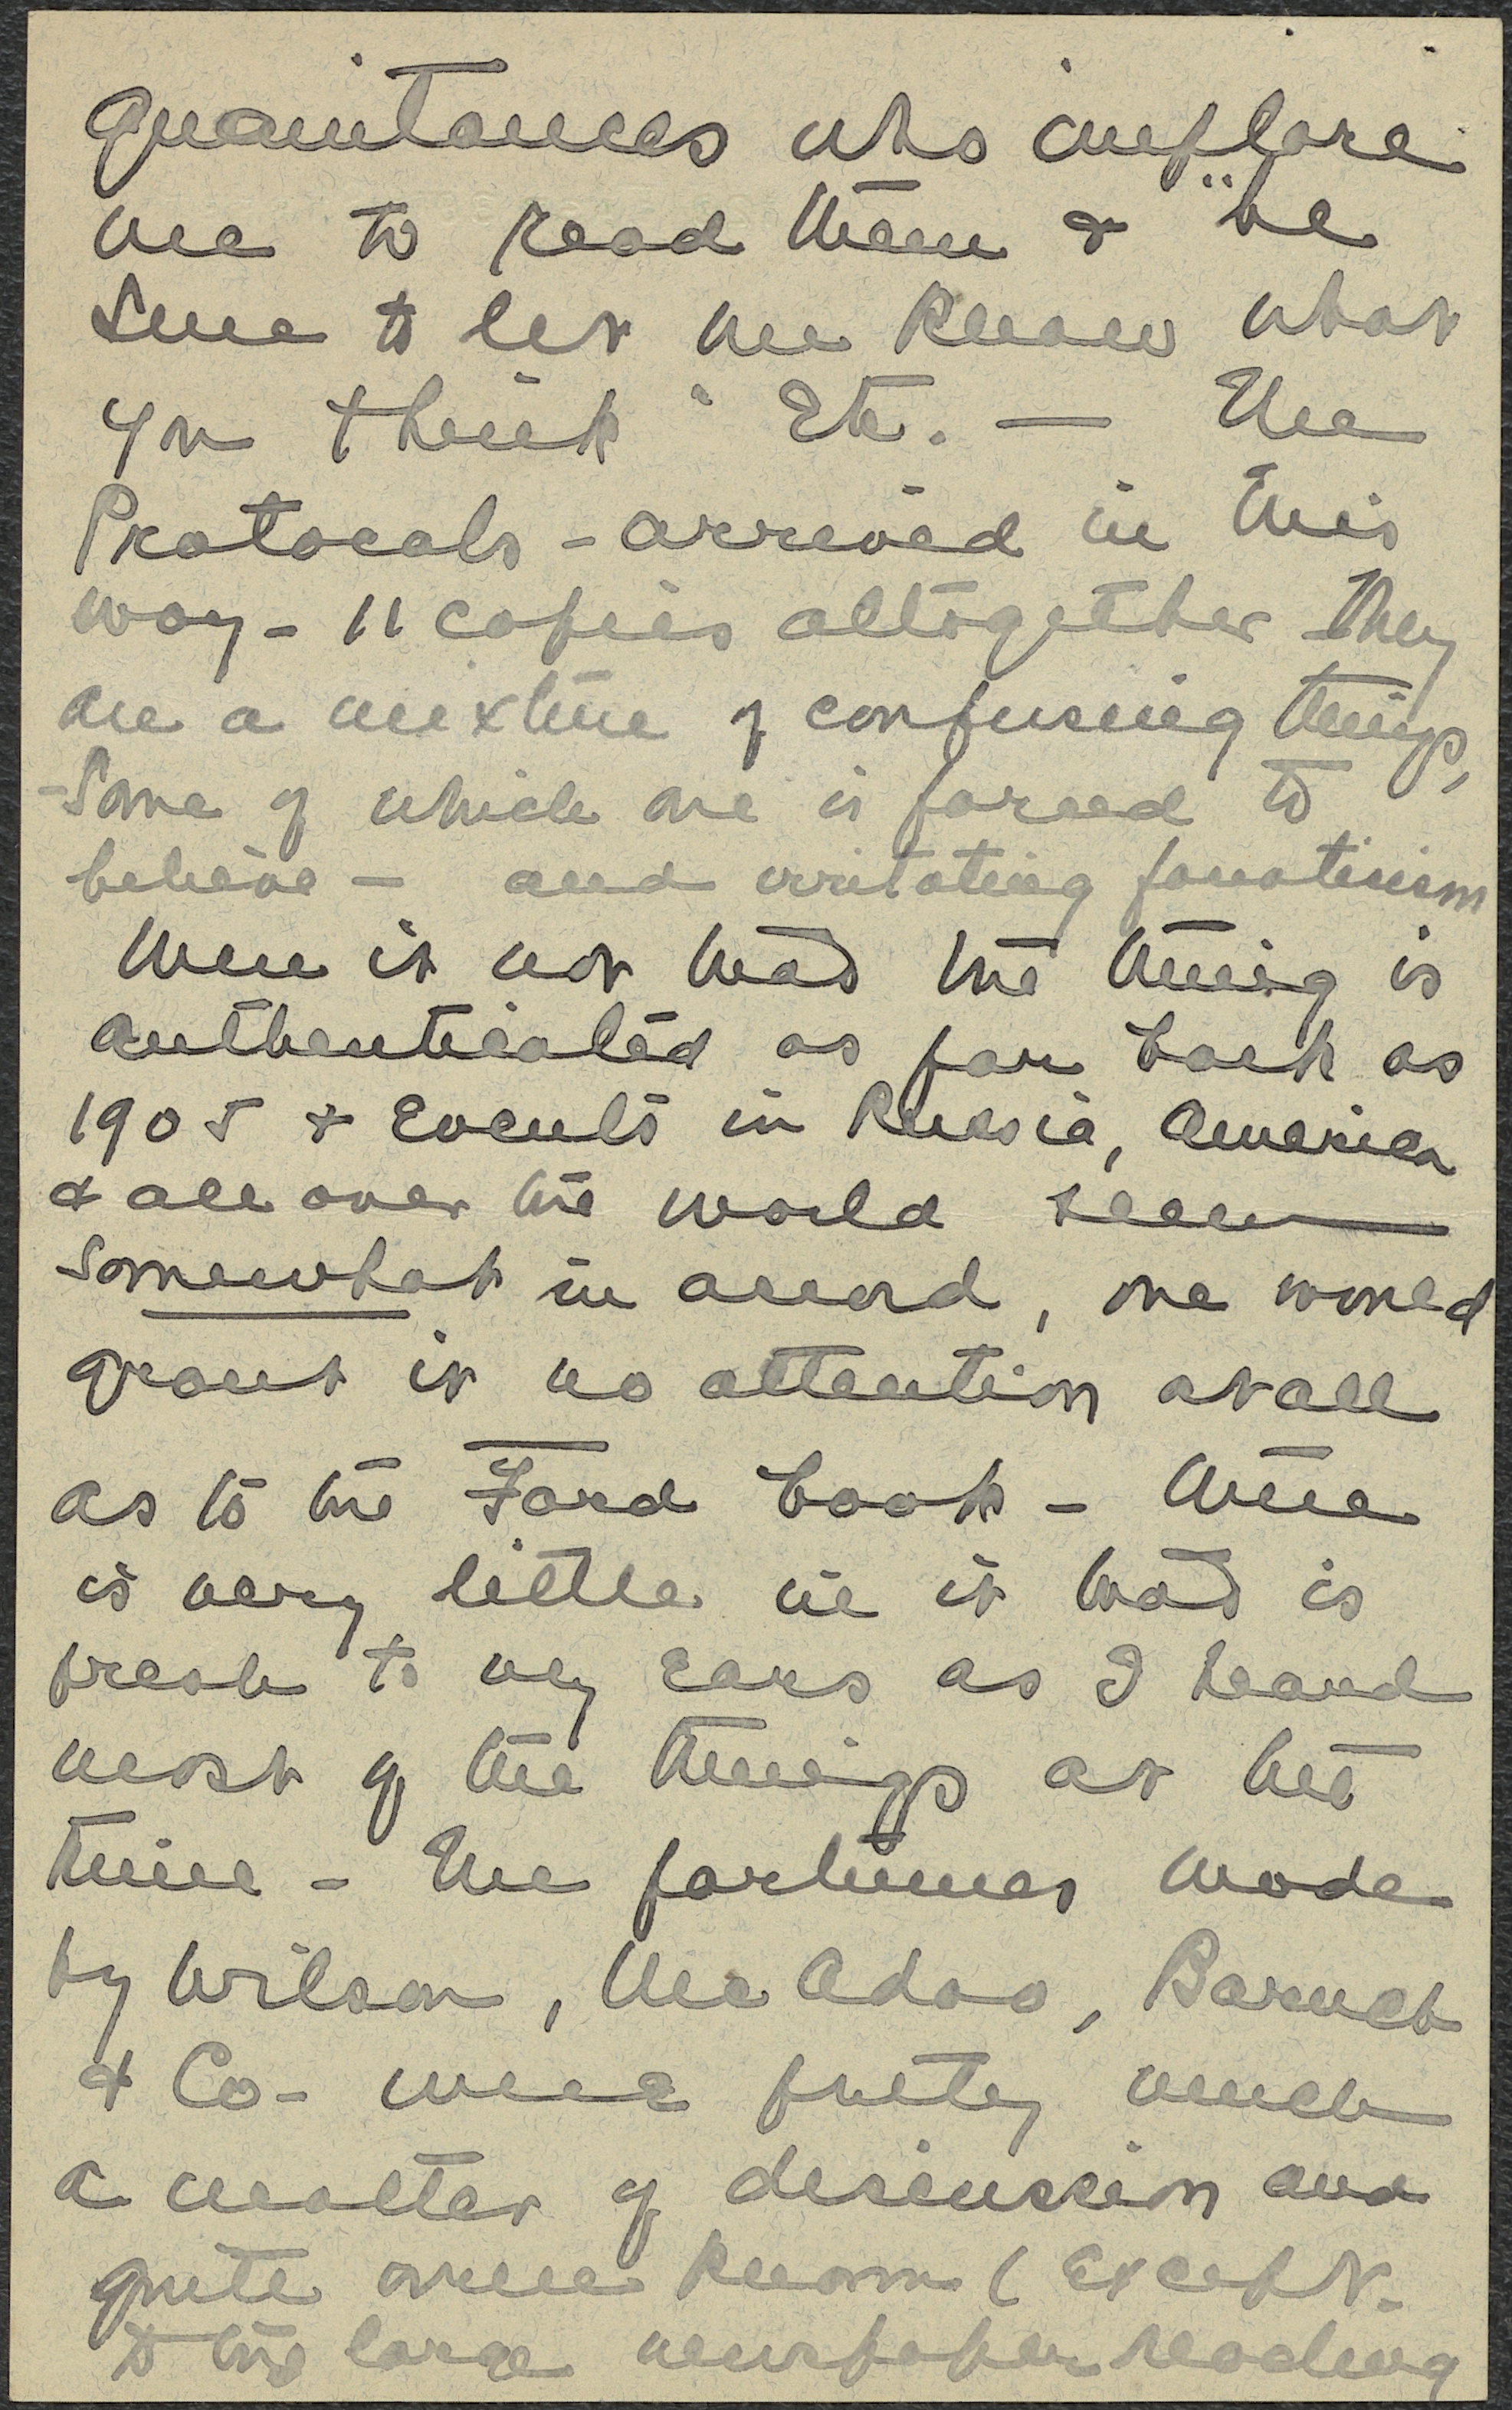who implore me to read them & "be sure to let me know what you think" etc. – The Protocols – arrived in this way – 11 copies altogether – They are a mixture of confusing things, some of which one is forced to believe – and irritating fanaticism
Were it not that the thing is authenticated as far back as 1905 & events in Russia, America & all over the world, seem somewhat in accord, one would grant it no attention at all
As to the Ford book – There is very little in it that is fresh to my ears as I heard most of the things at the time – The fortunes made by Wilson, McAdoo, Baruch & Co – were pretty much a matter of discussion and quite well known (except to the large newspaper reading